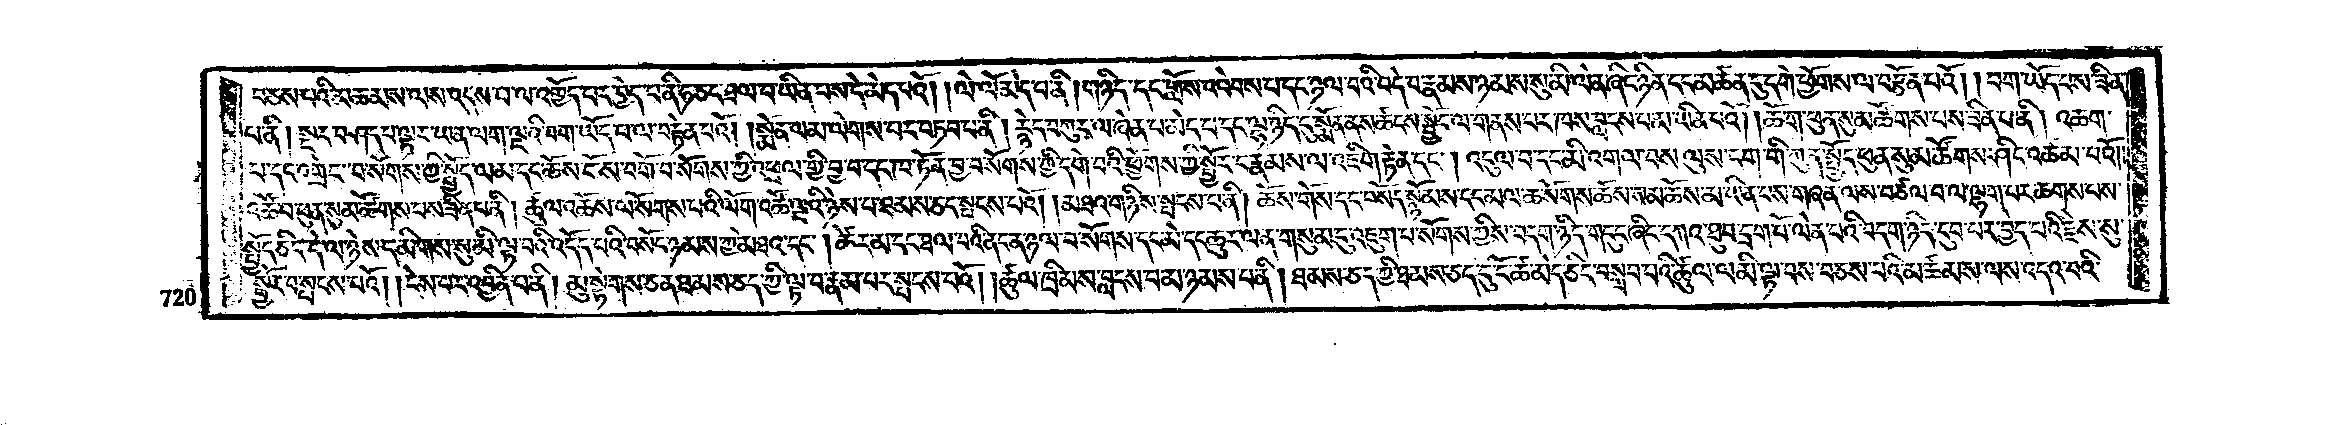བཅས་པའི་མཚམས་ལས་འདས་པ་ལ་འགྱོད་པར་བྱེད་པ་ནི་ཧ་ཅང་ཐལ་བ་ཡིན་པས་དེ་མེད་པའོ། །ལེ་ལོ་མེད་པ་ནི། གཉིད་དང་གློས་འབེབས་པ་དང་ཉལ་བའི་བདེ་བ་རྣམས་ཉམས་སུ་མི་ལེན་ཞིང་ཉིན་དང་མཚན་དུ་དགེ་ཕྱོགས་ལ་བརྩོན་པའོ། །བག་ཡོད་པས་ཟིན་
པ་ནི། སྔར་བཤད་པ་ལྟར་ཡན་ལག་ལྔའི་བག་ཡོད་པ་ལ་བརྟེན་པའོ། །སྨོན་ལམ་ལེགས་པར་བཏབ་པ་ནི། རྙེད་བཀུར་ལ་ཞེན་པ་མེད་པ་དང་ལྷ་ཉིད་དུ་སྨོན་ནས་ཚངས་སྤྱོད་ལ་གནས་པར་ཁས་བླངས་པ་མ་ཡིན་པའོ། །ཆོ་ག་ཕུན་སུམ་ཚོགས་པས་ཟིན་པ་ནི། འཆག་
པ་དང་འགྲེང་བ་སོགས་ཀྱི་སྤྱོད་ལམ་དང་ཆོས་ངོས་བགོ་བ་སོགས་ཀྱི་འཕྲལ་གྱི་བྱ་བ་དང་ཁ་ཏོན་བྱ་བ་སོགས་ཀྱི་དགེ་བའི་ཕྱོགས་ཀྱི་སྦྱོར་བ་རྣམས་ལ་འཇིག་རྟེན་དང་། འདུལ་བ་དང་མི་འགལ་བས་ལུས་ངག་གི་ཀུན་སྤྱོད་ཕུན་སུམ་ཚོགས་ཤིང་འཚམ་པའོ།།
འཚོ་བ་ཕུན་སུམ་ཚོགས་པས་ཟིན་པ་ནི། ཚུལ་འཆོས་ལ་སོགས་པའི་ལོག་འཚོ་ལྔའི་ཉེས་པ་ཐམས་ཅད་སྤངས་པའོ། །མཐའ་གཉིས་སྤངས་པ་ནི། ཆོས་གོས་དང་བསོད་སྙོམས་དང་མལ་ཆ་སོགས་ཆོས་སམ་ཆོས་མ་ཡིན་པས་གཞན་ལས་བཙལ་བ་ལ་ལྷག་པར་ཆགས་པས་
སྤྱོད་ཅིང་དེ་ལ་ཉེས་དམིགས་སུ་མི་ལྟ་བའི་འདོད་པའི་བསོད་ཉམས་ཀྱི་མཐའ་དང་། ཚེར་མ་དང་ཐལ་པའི་ནང་ན་ཉལ་བ་སོགས་དང་མེ་དང་ཆུར་ལན་གསུམ་དུ་འཇུག་པ་སོགས་ཀྱིས་བདག་ཉིད་གདུང་ཞིང་དཀའ་ཐུབ་དྲག་པོ་ལེན་པའི་བདག་ཉིད་དུབ་པར་བྱེད་པའི་རྗེས་སུ་
སྦྱོར་བ་སྤངས་པའོ། །ངེས་པར་འབྱིན་པ་ནི། མུ་སྟེགས་ཅན་ཐམས་ཅད་ཀྱི་ལྟ་བ་རྣམ་པར་སྤང་པའོ། །ཚུལ་ཁྲིམས་བླངས་པ་མ་ཉམས་པ་ནི། ཐམས་ཅད་དུ་ངོ་ཚ་མེད་ཅིང་བསླབ་པའི་ཚུལ་ལ་མི་ལྟ་བས་བཅས་པའི་མཚམས་ལས་འདའ་བའི་